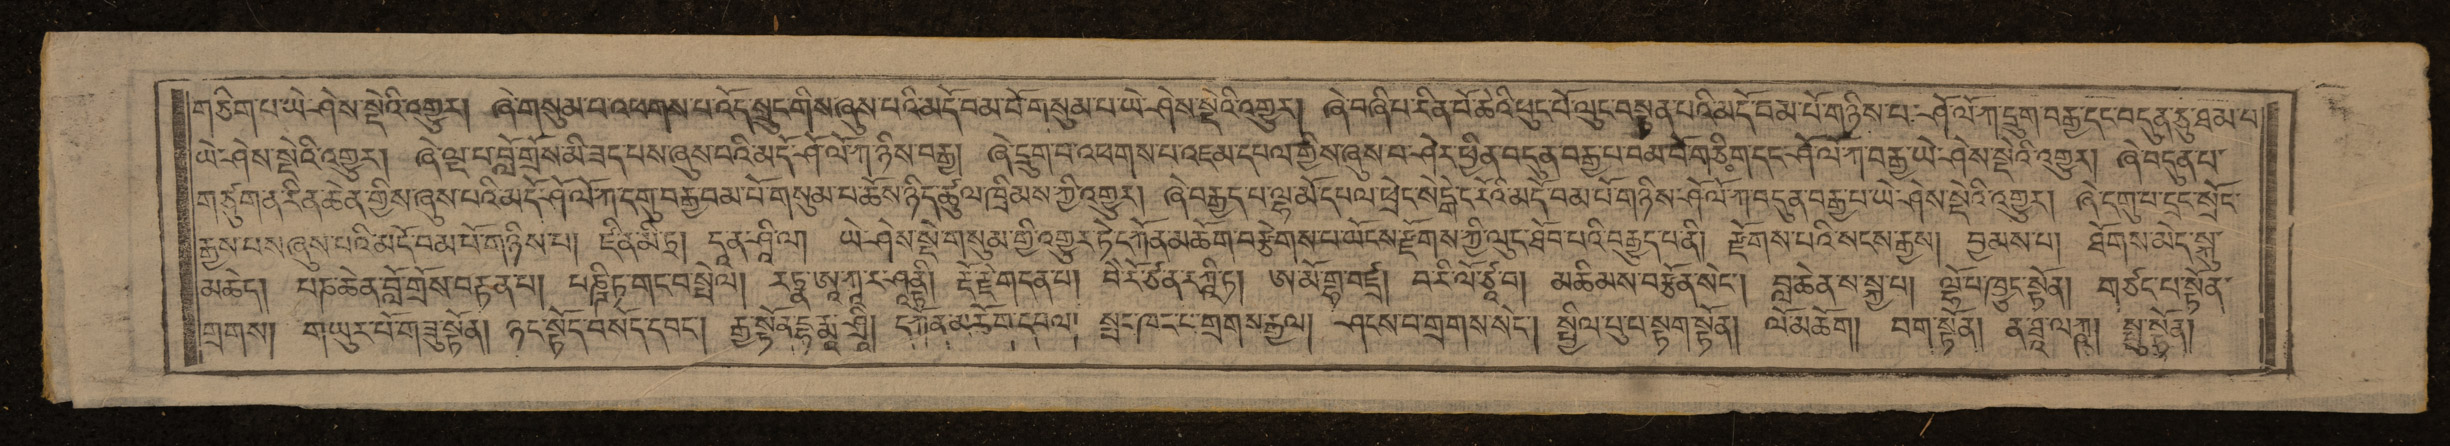གཅིག་པ་ཡེ་ཤེས་སྡེའི་འགྱུར། ཞེ་གསུམ་པ་འཕགས་པ་འོད་སྲུང་གིས་ཞུས་པའི་མདོ་བམ་པོ་གསུམ་པ་ཡེ་ཤེས་སྡེའི་འགྱུར། ཞེ་བཞི་པ་རིན་པོ་ཆེའི་ཕུང་པོ་ལུང་བསྟན་པའི་མདོ་བམ་པོ་གཉིས་པ་ཤོ་ལོ་ཀ་དྲུག་བརྒྱ་དང་བདུན་ཅུ་ཐམ་པ་
ཡེ་ཤེས་སྡེའི་འགྱུར། ཞེ་ལྔ་བ་བློ་གྲོས་མི་ཟད་པས་ཞུས་པའི་མདོ་ཤོ་ལོ་ཀ་ཉིས་བརྒྱ། ཞེ་དྲུག་པ་འཕགས་པ་འཇམ་དཔལ་གྱིས་ཞུས་བཤེར་ཕྱིན་བདུན་བརྒྱ་པ་བམ་པོ་གཅིག་དང་ཤོ་ལོ་ཀ་བརྒྱ་ཡེ་ཤེས་སྡེའི་འགྱུར། ཞེ་བདུན་པ་
གཙུག་ན་རིན་ཆེན་གྱིས་ཞུས་པའི་མདོ་ཤོ་ལོ་ཀ་དགུ་བརྒྱ་བམ་པོ་གསུམ་བ་ཆོས་ཉིད་ཚུལ་ཁྲིམས་ཀྱི་འགྱུར། ཞེ་བརྒྱད་པ་ལྷ་མོ་དཔལ་ཕྲེང་སེངྒེ་ང་རོའི་མདོ་བམ་པོ་གཉིས་ཤོ་ལོ་ཀ་བདུན་བརྒྱ་པ་ཡེ་ཤེས་སྡེའི་འགྱུར། ཞ་དགུ་པ་དྲང་སྲོང་
རྒྱས་པས་ཞུས་པའི་མདོ་བམ་པོ་གཉིས་པ། ཛིན་མི་ཏྲ། དཱ་ན་ཤཱི་ལ། ཡེ་ཤེས་སྡེ་གསུམ་གྱི་འགྱུར་ཏེ་དཀོན་མཆོག་བརྩེགས་པ་ཡོངས་རྫོགས་ཀྱི་ལུང་ཐོབ་པའི་བརྒྱུད་པ་ནི། རྫོགས་པའི་སངས་རྒྱས། བྱམས་པ། ཐོགས་མེད་སྐུ་
མཆེད། པཎ་ཆེན་བློ་གྲོས་བརྟན་པ། པཎྚི་ཏ་གང་བ་སྤེལ། རཏྣ་ཨཱ་ཀཱ་ར་ཤཱ་ནྟི། རྡོ་རྗེ་གདན་པ། བཻ་རོ་ཙ་ན་ར་ཀཥི་ཏ། ཨ་མོ་གྷ་བཛྲ། བ་རི་ལོ་ཙཱ་བ། མཆིམས་བརྩོན་སེང་། བླ་ཆེན་ས་སྐྱ་པ། ལྷོ་པ་ཁྱུང་སྟོན། བཙང་པ་སྟོན་
གྲགས། གཡུར་པོ་གཟུ་སྟོན། ཉང་སྟོད་བསོད་དབང་། རྒྱ་སྟོན་དྷ་རྨཱ་ཤྲའི། དཀོན་མཆོག་དཔལ། སྤང་ཁང་བ་གྲགས་རྒྱལ། ཤངས་པ་གྲགས་སེང་། སྤྱིལ་པུ་བསྟག་སྟོན། ལོ་མཆོག། བག་སྟོན། ན་ཐའ་ལ་ཀཥ། སྤུ་སྟོན།